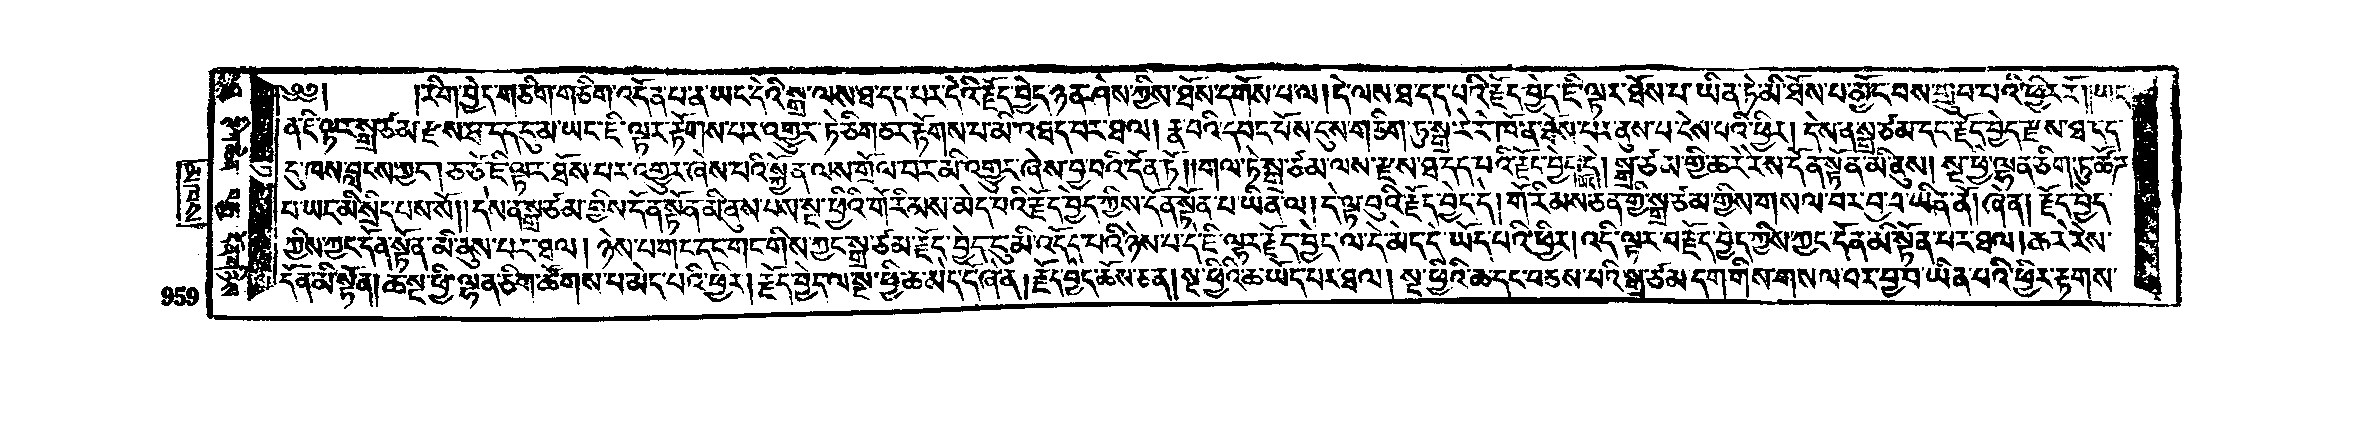༄༅། །རིག་བྱེད་གཅིག་གཅིག་འདོན་པ་ན་ཡང་དེའི་སྒྲ་ལས་ཐ་དད་པར་དེའི་རྗོད་བྱེད་ཉན་ཤེས་ཀྱིས་ཐོས་དགོས་པ་ལ། དེ་ལས་ཐ་དད་པའི་རྗོད་བྱེད་ཇི་ལྟར་ཐོས་པ་ཡིན་ཏེ་མི་ཐོས་པ་མྱོང་པས་གྲུབ་པའི་ཕྱིར་རོ། །ཡང་
ན་ཇི་ལྟར་སྒྲ་ཙམ་རྫས་ཐ་དད་དུ་མ་ཡང་ཇི་ལྟར་རྟོགས་པར་འགྱུར་ཏེ་ཅིག་ཅར་རྟོགས་པ་མི་འཐད་པར་ཐལ། རྣ་བའི་དབང་པོས་དུས་གཅིག་ཏུ་སྒྲ་རེ་རེ་ཁོ་ན་ཐོས་པར་ནུས་པ་ངེས་པའི་ཕྱིར། དེས་ན་སྒྲ་ཙམ་དང་རྗོད་བྱེད་རྫས་ཐ་དད་
དུ་ཁས་བླངས་ཀྱང་། ཅ་ཅོ་ཇི་ལྟར་ཐོས་པར་འགྱུར་ཞེས་པའི་སྐྱོན་ལས་གྲོལ་བར་མི་འགྱུར་ཞེས་བྱ་བའི་དོན་ཏེ། །གལ་ཏེ་སྒྲ་ཙམ་ལས་རྫས་ཐ་དད་པའི་རྗོད་བྱེད་ཡོད་དེ། སྒྲ་ཙམ་གྱི་ཆ་རེ་རེས་དོན་སྟོན་མི་ནུས། སྔ་ཕྱི་ལྷན་ཅིག་ཏུ་ཚོགས་
པ་ཡང་མི་སྲིད་པས་སོ། །དེས་ན་སྒྲ་ཙམ་གྱིས་དོན་སྟོན་མི་ནུས་པས་སྔ་ཕྱིའི་གོ་རིམས་མེད་པའི་རྗོད་བྱེད་ཀྱིས་དོན་སྟོན་པ་ཡིན་ལ། དེ་ལྟ་བུའི་རྗོད་བྱེད་དེ། གོ་རིམས་ཅན་གྱི་སྒྲ་ཙམ་གྱིས་གསལ་བར་བྱ་བ་ཡིན་ནོ། ཞེ་ན། རྗོད་བྱེད་
ཀྱིས་ཀྱང་དོན་སྟོན་མི་ནུས་པར་ཐལ། ཉེས་པ་གང་དང་གང་གིས་ཀྱང་སྒྲ་ཙམ་རྗོད་བྱེད་དུ་མི་འདོད་པའི་ཉེས་པ་དེ་ཇི་ལྟར་རྗོད་བྱེད་ལ་དེ་མེད་དེ་ཡོད་པའི་ཕྱིར། འདི་ལྟར་བརྗོད་བྱེད་ཀྱིས་ཀྱང་དོན་མི་སྟོན་པར་ཐལ། ཆ་རེ་རེས་
དོན་མི་སྟོན། ཆ་སྔ་ཕྱི་ལྷན་ཅིག་ཚོགས་པ་མེད་པའི་ཕྱིར། རྗོད་བྱེད་ལ་སྔ་ཕྱི་ཆ་མེད་དོ་ཞེ་ན། རྗོད་བྱེད་ཆོས་ཅན། སྔ་ཕྱིའི་ཆ་ཡོད་པར་ཐལ། སྔ་ཕྱིའི་ཆ་དང་བཅས་པའི་སྒྲ་ཙམ་དག་གིས་གསལ་བར་བྱ་བ་ཡིན་པའི་ཕྱིར་རྟགས་